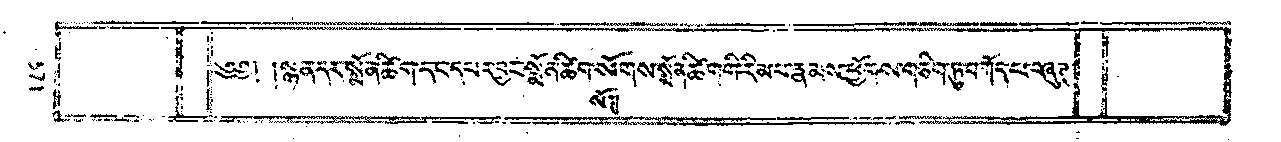༄༅། །སྙན་དར་སྨོན་ཚིག་དང་དཔར་བྱང་སྨོན་ཚིག་སོགས་སྨོན་ཚིག་གི་རིམ་པ་རྣམས་ཕྱོགས་གཅིག་ཏུ་བཀོད་པ་བཞུཌ་
སོ། །